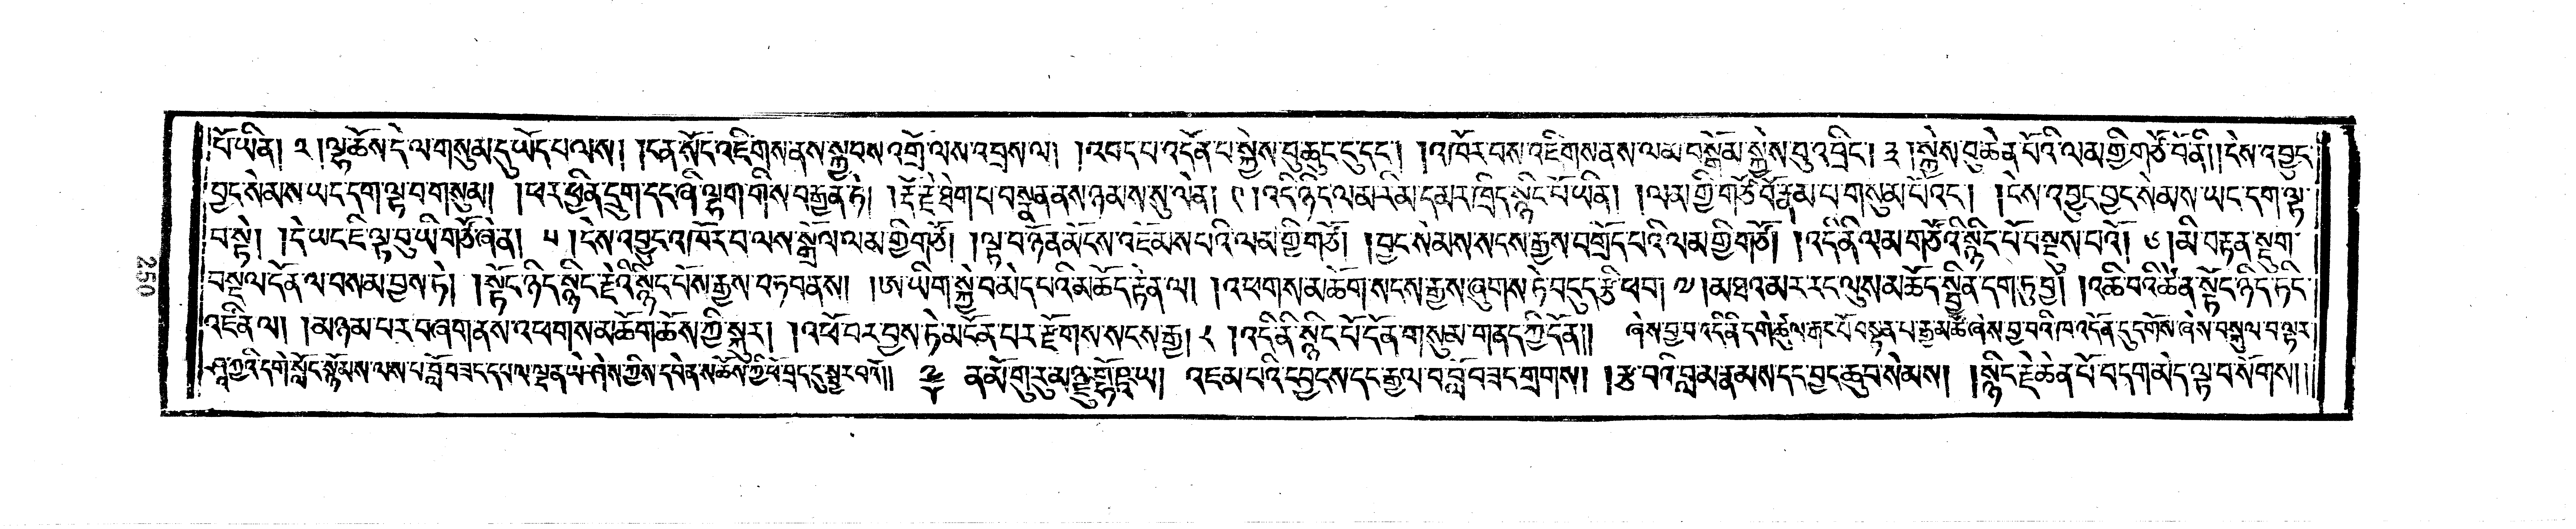པོ་ཡིན། ༢་།ལྷ་ཆོས་དེ་ལ་གསུམ་དུ་ཡོད་པ་ལས། །ངན་སོང་འཇིགས་ནས་སྐྱབས་འགྲོ་ལས་འབྲས་ལ། །འབད་པ་འདོན་པ་སྐྱེས་བུ་ཆུང་དུ་དང་། །འཁོར་བས་འཇིགས་ནས་ལམ་བསྒོམ་སྐྱེས་བུ་འབྲིང་། ༣་།སྐྱེས་བུ་ཆེན་པོའི་ལམ་གྱི་གཙོ་བོ་ནི། །ངེས་འབྱུང་
བྱང་སེམས་ཡང་དག་ལྟ་བ་གསུམ། །ཕར་ཕྱིན་དྲུག་དང་ཞི་ལྷག་གི་ས་བརྒྱན་ཏེ། །རྡོ་རྗེ་ཐེག་པ་བསྣན་ནས་ཉམས་སུ་ལེན། ༤་།འདི་ཉིད་ལམ་རིམ་དམར་ཁྲིད་སྙིང་པོ་ཡིན། །ལམ་གྱི་གཙོ་བོ་རྣམ་པ་གསུམ་པོའང་། །ངེས་འབྱུང་བྱང་སེམས་ཡང་དག་ལྟ་
བ་སྟེ། །དེ་ཡང་ཇི་ལྟ་བུ་ཡི་གཙོ་ཞེ་ན། པ་།ངེས་འབྱུང་འཁོར་བ་ལས་སྒྲོལ་ལམ་གྱི་གཙོ། །ལྟ་བ་ཉོན་མོངས་འཇོམས་པའི་ལམ་གྱི་གཙོ། །བྱང་སེམས་སངས་རྒྱས་བགྲོད་པའི་ལམ་གྱི་གཙོ། །འདི་ནི་ལམ་གཙོའི་སྙིང་པོ་བསྡུས་པའོ། ༦་།མི་བརྟན་སྡུག་
བསྔལ་དོན་ལ་བསམ་བྱས་ཏེ། །སྟོང་ཉིད་སྙིང་རྗེའི་སྙིང་པོས་རྒྱས་བཏབ་ནས། །ཨ་ཡིག་སྐྱེ་བ་མེད་པའི་མཆོད་རྟེན་ལ། །འཕགས་མཆོག་སངས་རྒྱས་ཞུགས་ཏེ་བདུད་རྩི་ཕབ། ༧་།མཐའ་མར་རང་ལུས་མཆོད་སྦྱིན་དག་ཏུ་བྱ། །འཆི་བའི་ཚེ་ན་སྟོང་ཉིད་ཏིང་
འཛིན་ལ། །མཉམ་པར་བཞག་ནས་འཕགས་མཆོག་ཆོས་ཀྱི་སྐུར། །འཕོ་བར་བྱས་ཏེ་མངོན་པར་རྫོགས་སངས་རྒྱ། ༨་།འདི་ནི་སྙིང་པོ་དོན་གསུམ་གནད་ཀྱི་དོན།། ཞེས་བྱ་བ་འདི་ནི་དགེ་ཚུལ་རྒང་པོ་བསྟན་པ་རྒྱ་མཚོ་ཞེས་བྱ་བའི་ཁ་འདོན་དུ་དགོས་ཞེས་བསྐུལ་བ་ལྟར་
ཤཱཀྱའི་དགེ་སློང་སྙོམས་ལས་པ་བློ་བཟང་དཔལ་ལྡན་ཡེ་ཤེས་ཀྱིས་དབེན་ས་ཆོས་ཀྱི་ཕོ་བྲང་དུ་སྦྱར་བའོ།། ༈ ན་མོ་གུ་རུ་མཉྫུ་གྷོཥཱ་ཡ། འཇམ་པའི་དབྱངས་དང་རྒྱལ་བ་བློ་བཟང་གྲགས། །རྩ་བའི་བླ་མ་རྣམས་དང་བྱང་ཆུབ་སེམས། །སྙིང་རྗེ་ཆེན་པོ་བདག་མེད་ལྟ་བ་སོགས།།